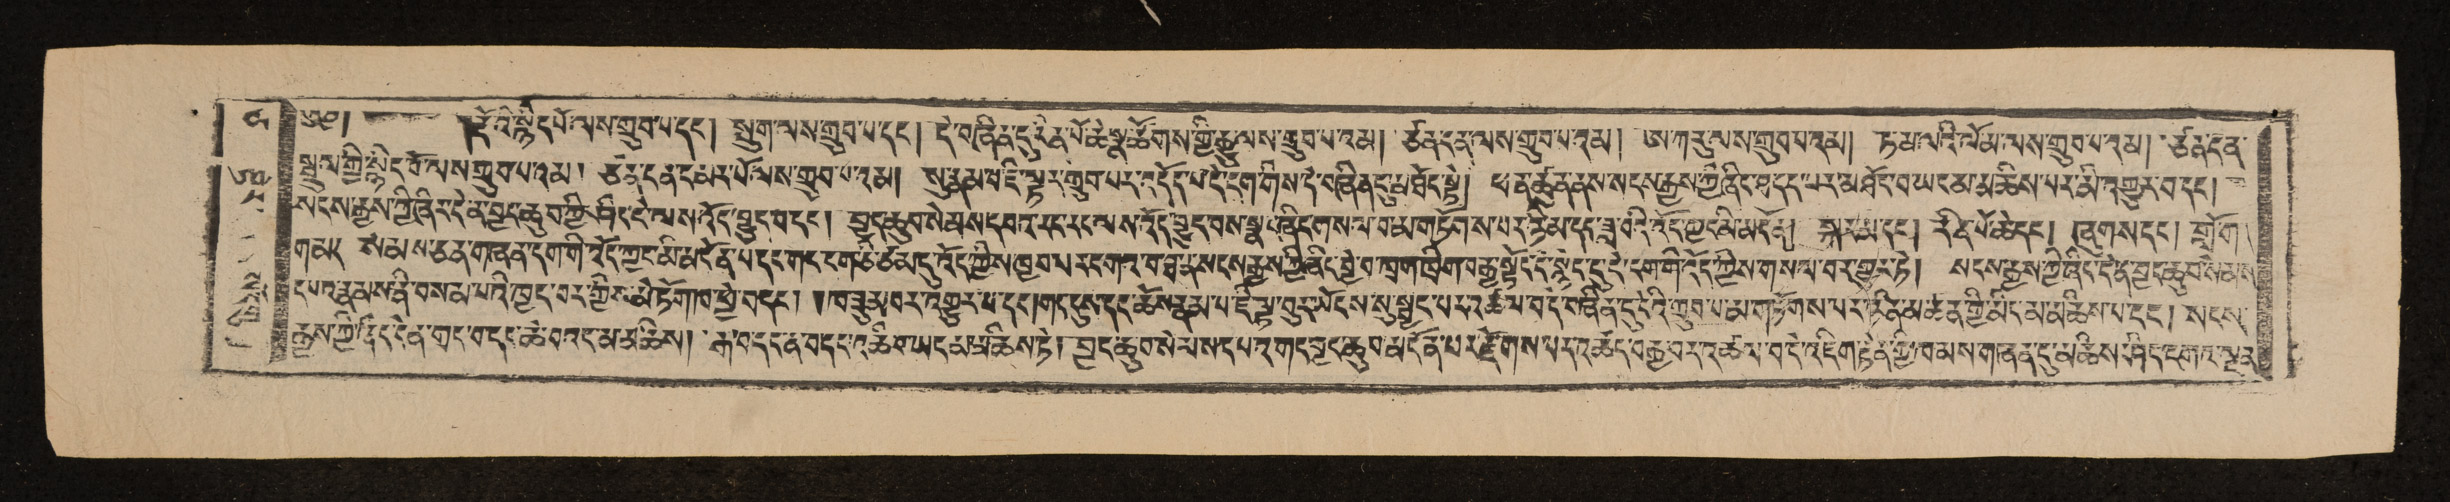༄༅། །རྔོའི་སྙིང་པོ་ལས་གྲུབ་པ་དང་། སྒུག་ལས་གྲུབ་པ་དང་། དེ་བཞིན་དུ་རིན་པོ་ཆེ་སྣ་ཚོགས་ཀྱི་རྒྱུ་ལས་གྲུབ་པའམ། ཙན་དན་ལས་གྲུབ་པ་འམ། ཨ་ཀ་རུ་ལས་གྲུབ་པའམ། ཏ་མ་ལའི་ལོ་མ་ལས་གྲུབ་པའམ། ཙན་དན་
སྦྲུལ་གྱི་སྙིང་པོ་ལས་གྲུབ་པའམ། ཙན་དན་དམར་པོ་ལས་གྲུབ་པའམ། སུ་རྣམ་པ་ཇི་ལྟར་གྲུབ་པར་འདོད་པ་དེ་དག་གིས་དེ་བཞིན་དུ་མཐོང་སྟེ། ཕན་ཚུན་ནས་སངས་རྒྱས་ཀྱི་ཞིང་ཐ་དད་པར་མཐོང་བ་ཡང་མ་མཆིས་པར་མི་འགྱུར་བ་དང་།
སངས་རྒྱས་ཀྱི་ཞིང་དེ་ན་བྱང་ཆུབ་ཀྱི་ཤིང་དེ་ལས་འོད་བྱུང་བ་དང་། བྱང་ཆུབ་སེམས་དཔའ་རང་རང་ལས་འོད་བྱུང་བས་སྣང་ཞིང་གསལ་བ་མ་གཏོགས་པར་ཉི་མ་དང་ཟླ་བའི་འོད་ཀྱང་མི་མངོན། སྐར་མ་དང་། རིན་པོ་ཆེ་དང་། ཞུགས་དང་། གློག་
གམ༑ སེམས་ཅན་གཞན་དག་གི་འོད་ཀྱང་མི་མངོན་པ་དང་གང་དག་ཅི་ཙམ་དུ་འོད་ཀྱིས་ཁྱབ་པར་དགའ་བ་ཐ་ན་སངས་རྒྱས་ཀྱི་ཞིང་བྱེ་བ་ཁྲག་ཁྲིག་བརྒྱ་སྟོང་དེ་སྙེད་དུ་དེ་དག་གི་འོད་ཀྱིས་གསལ་བར་གྱུར་ཏེ། སངས་རྒྱས་ཀྱི་ཞིང་དེ་ན་བྱང་ཆུབ་སེམས་
དཔའ་རྣམས་ནི་བསམ་པའི་ཁྱད་པར་གྱིས་མེ་ཏོག་ཁ་ཕྱེ་བ་དང་། ཁ་ཟུམ་པར་འགྱུར་བ་དང་། གང་དུས་དང་ཆོས་རྣམ་པ་ཇི་ལྟ་བུར་ཡོངས་སུ་སྤྱད་པར་འཚལ་བ་དེ་བཞིན་དུ་དེའི་གྲུབ་པ་མ་གཏོགས་པར་ཉིན་མཚན་གྱི་མིང་མ་མཆིས་པ་དང་། སངས་
རྒྱས་ཀྱི་ཞིང་དེ་ན་གྲང་བ་དང་ཚ་བའང་མ་མཆིས། རྒ་བ་དང་ན་བ་དང་འཆི་བ་ཡང་མ་མཆིས་ཏེ། བྱང་ཆུབ་སེམས་དཔའ་གང་བྱང་ཆུབ་མངོན་པར་རྫོགས་པར་འཚང་བརྒྱ་བར་འཚལ་བ་དེ་འཇིག་རྟེན་གྱི་ཁམས་གཞན་དུ་མཆིས་ཤིང་དགའ་ལྡན་